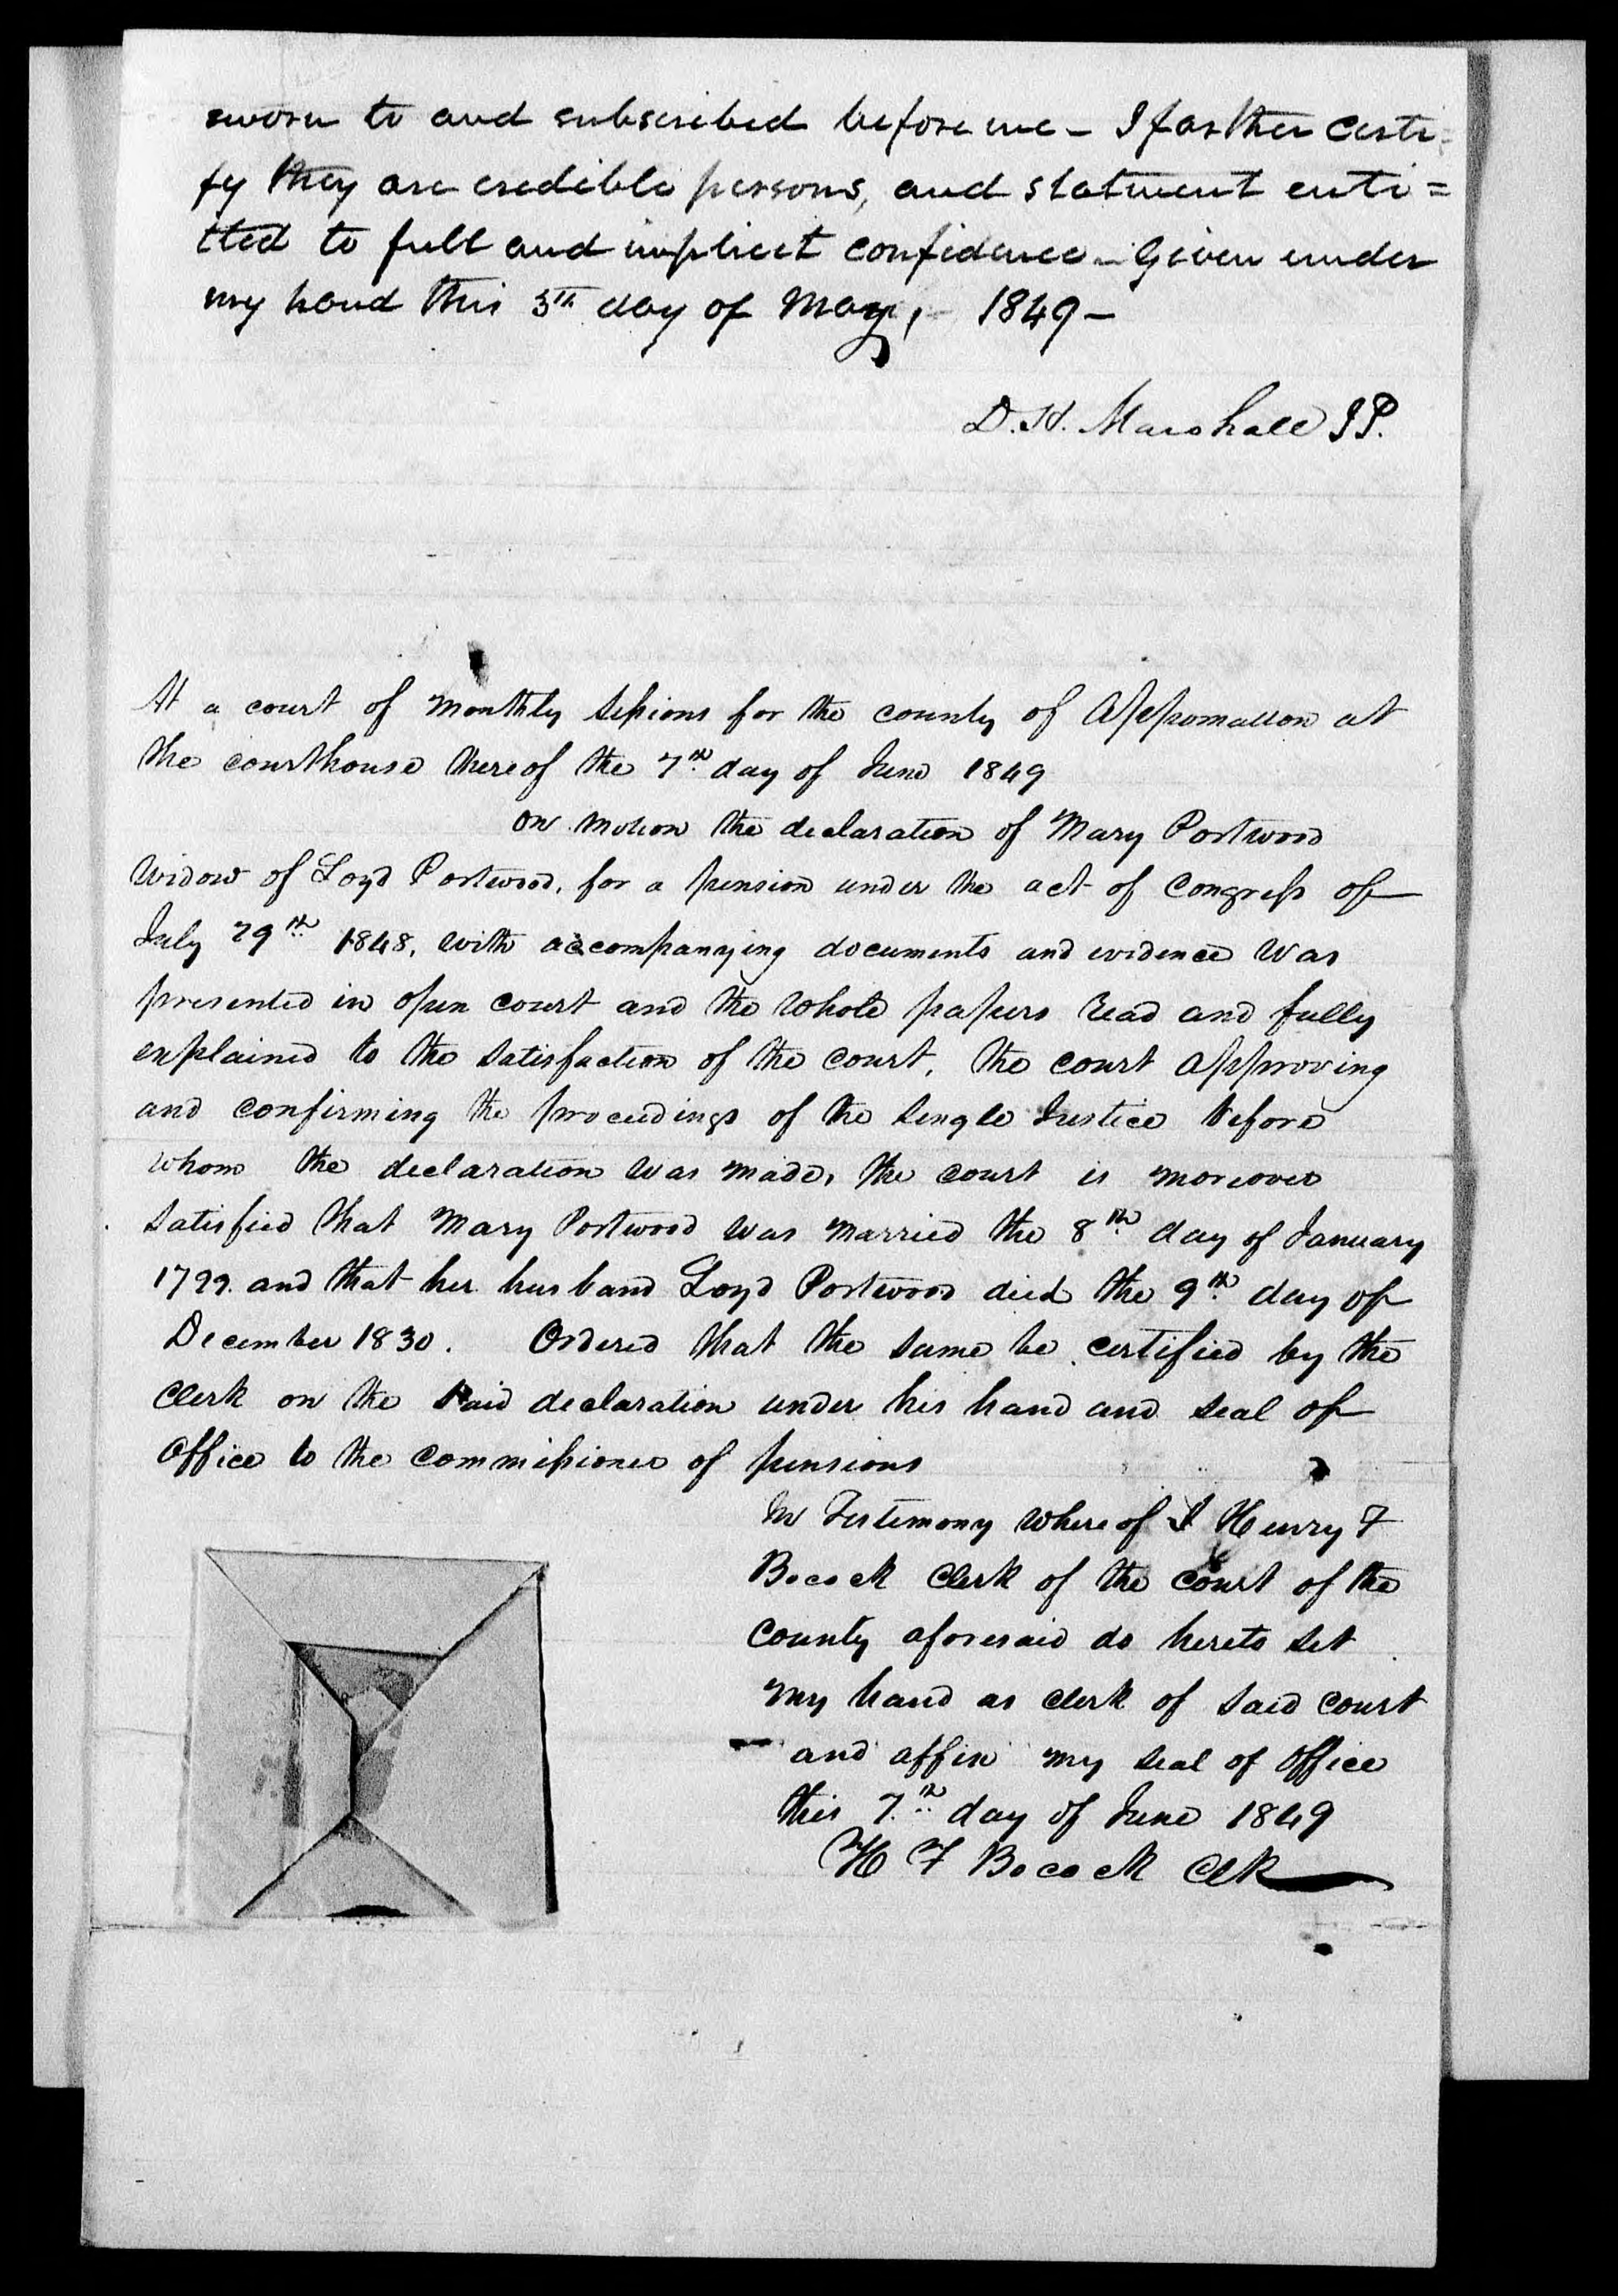sworn to and subscribed before me. I farther certify
they are credible persons, and statements entitled
to full and implicit confidence. Given under
my hand this 5th day of May, 1849.
| D. H. Marshall JP.
At a court of Monthly Sessions for the County of Appomattox at
the courthouse thereof the 7th day of June 1849
On motion the declaration of Mary Portwood
widow of Loyd Portwood, for a pension under the act of Congress of
July 29th 1848, with accompanying documents and evidence was
presented in open court and the whole papers read and fully
explained to the satisfaction of the court. The court approving
and confirming the proceedings of the single Justice before
whom the declaration was made. The court is moreover
Satisfied that Mary Portwood was married the 8th day of January
1799 and that her husband Loyd Portwood died the 9th day of
December 1830. Ordered that the same be certified by the
Clerk on the said declaration under his hand and seal of
Office to the commissioner of pensions
| In Testimony whereof I Henry F
| Bocock Clerk of the Court of the
| County aforesaid do hereto set
| my hand as Clerk of said court
| and affix my seal of Office
| this 7th day of June 1849
| H F Bocock Clk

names: Mary Portwood; D H Marshall; Loyd Portwood; Henry F Bocock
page: 6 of 50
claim: widow's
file: W. 1929, for Lloyd Portwood, Virginia